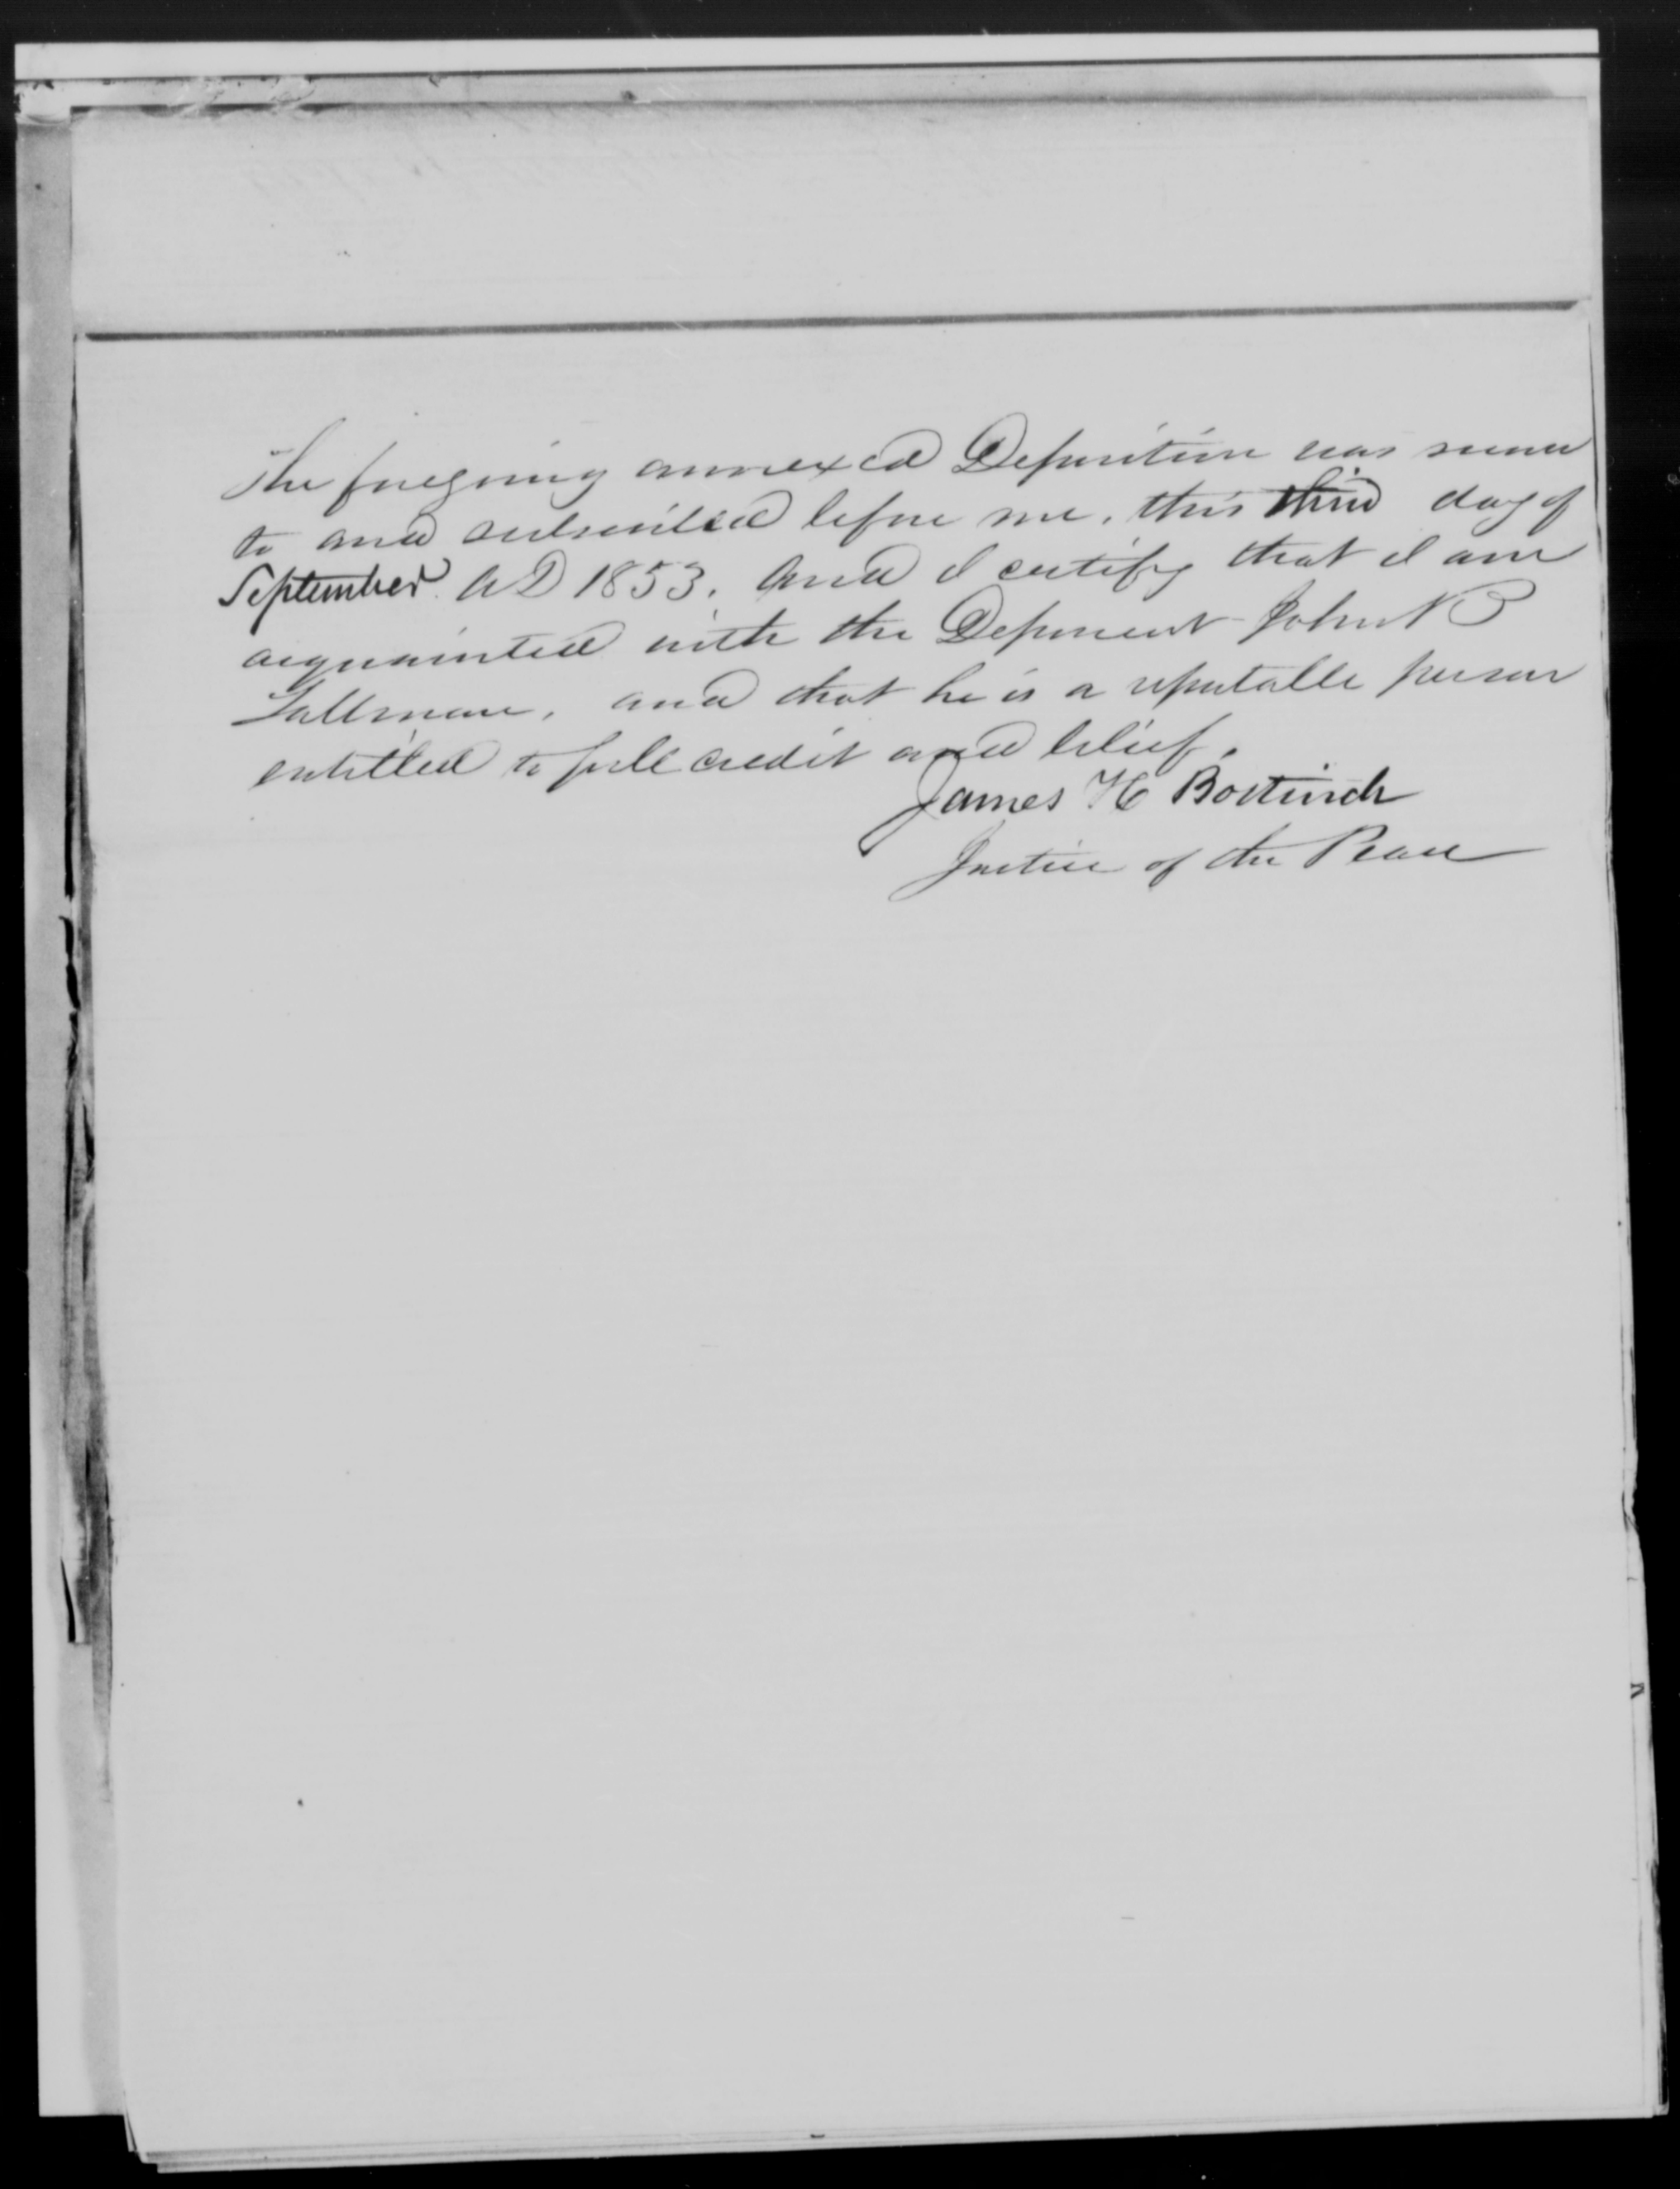the foregoing annexed Deposition was sworn to and subscribed before me, this third day of ┃ September A D 1853, and I certify that I am acquainted with the Deponent John Tallman, and that he is a reputable person entitled to full credit and belief. 
James H Bostwick 
Justice of the Peace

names: John B Tallman, James H Bostwich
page: 16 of 77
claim: widow's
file: W. 19658, John Woodin, New York